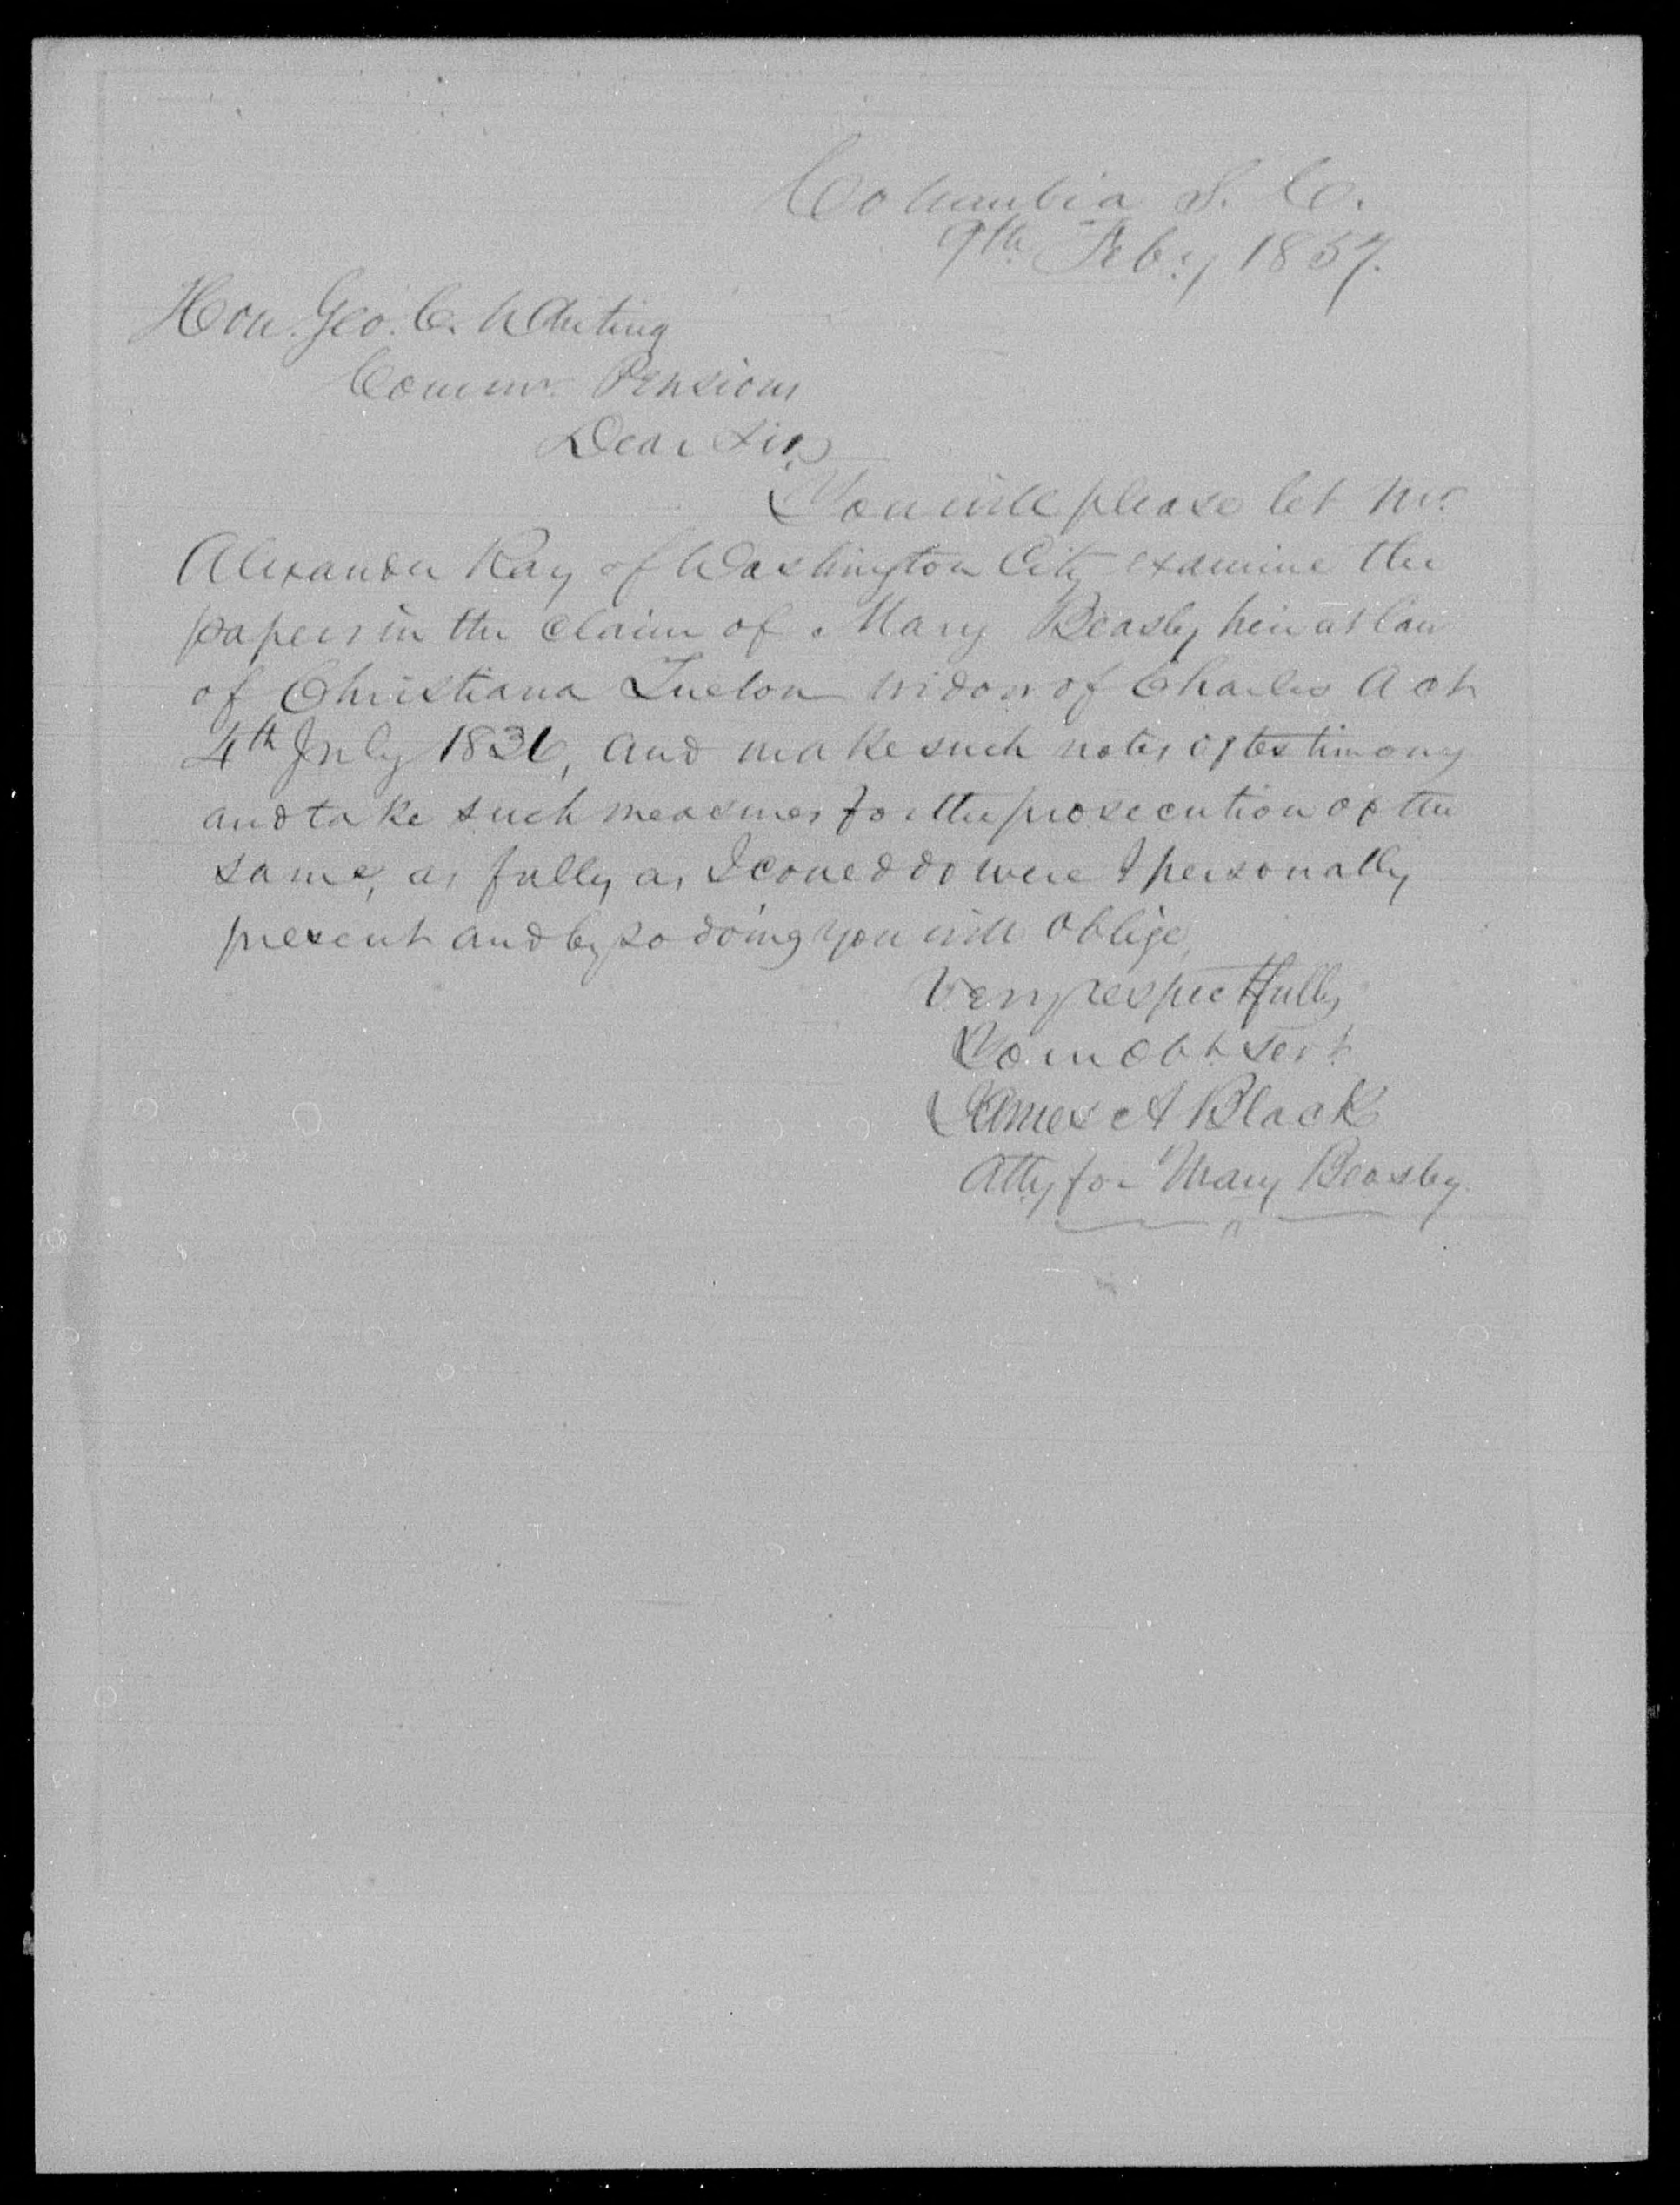Columbia S. Co. 
9th Feby (sic) 1857. 
Hon. Geo. C. Whiting
Comm. Pension
Dear Sir
You will please let Mr. Alexander Ray of Washington City examine the papers in the claim of Mary Beasly heir at law of Christiana Tuelon (sic) widow of Charles Act 4th July 1835, and make such notes of testimony and take such measure for the protection of the same, as fully as I could do were I personally present and by so doing you will oblige, 
Very respectfully
Comm of Sent
James A Black
Atty for Mary Beasley (sic)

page: 19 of 19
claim: rejected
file: R. 10474, for Charles Teulon, South Carolina